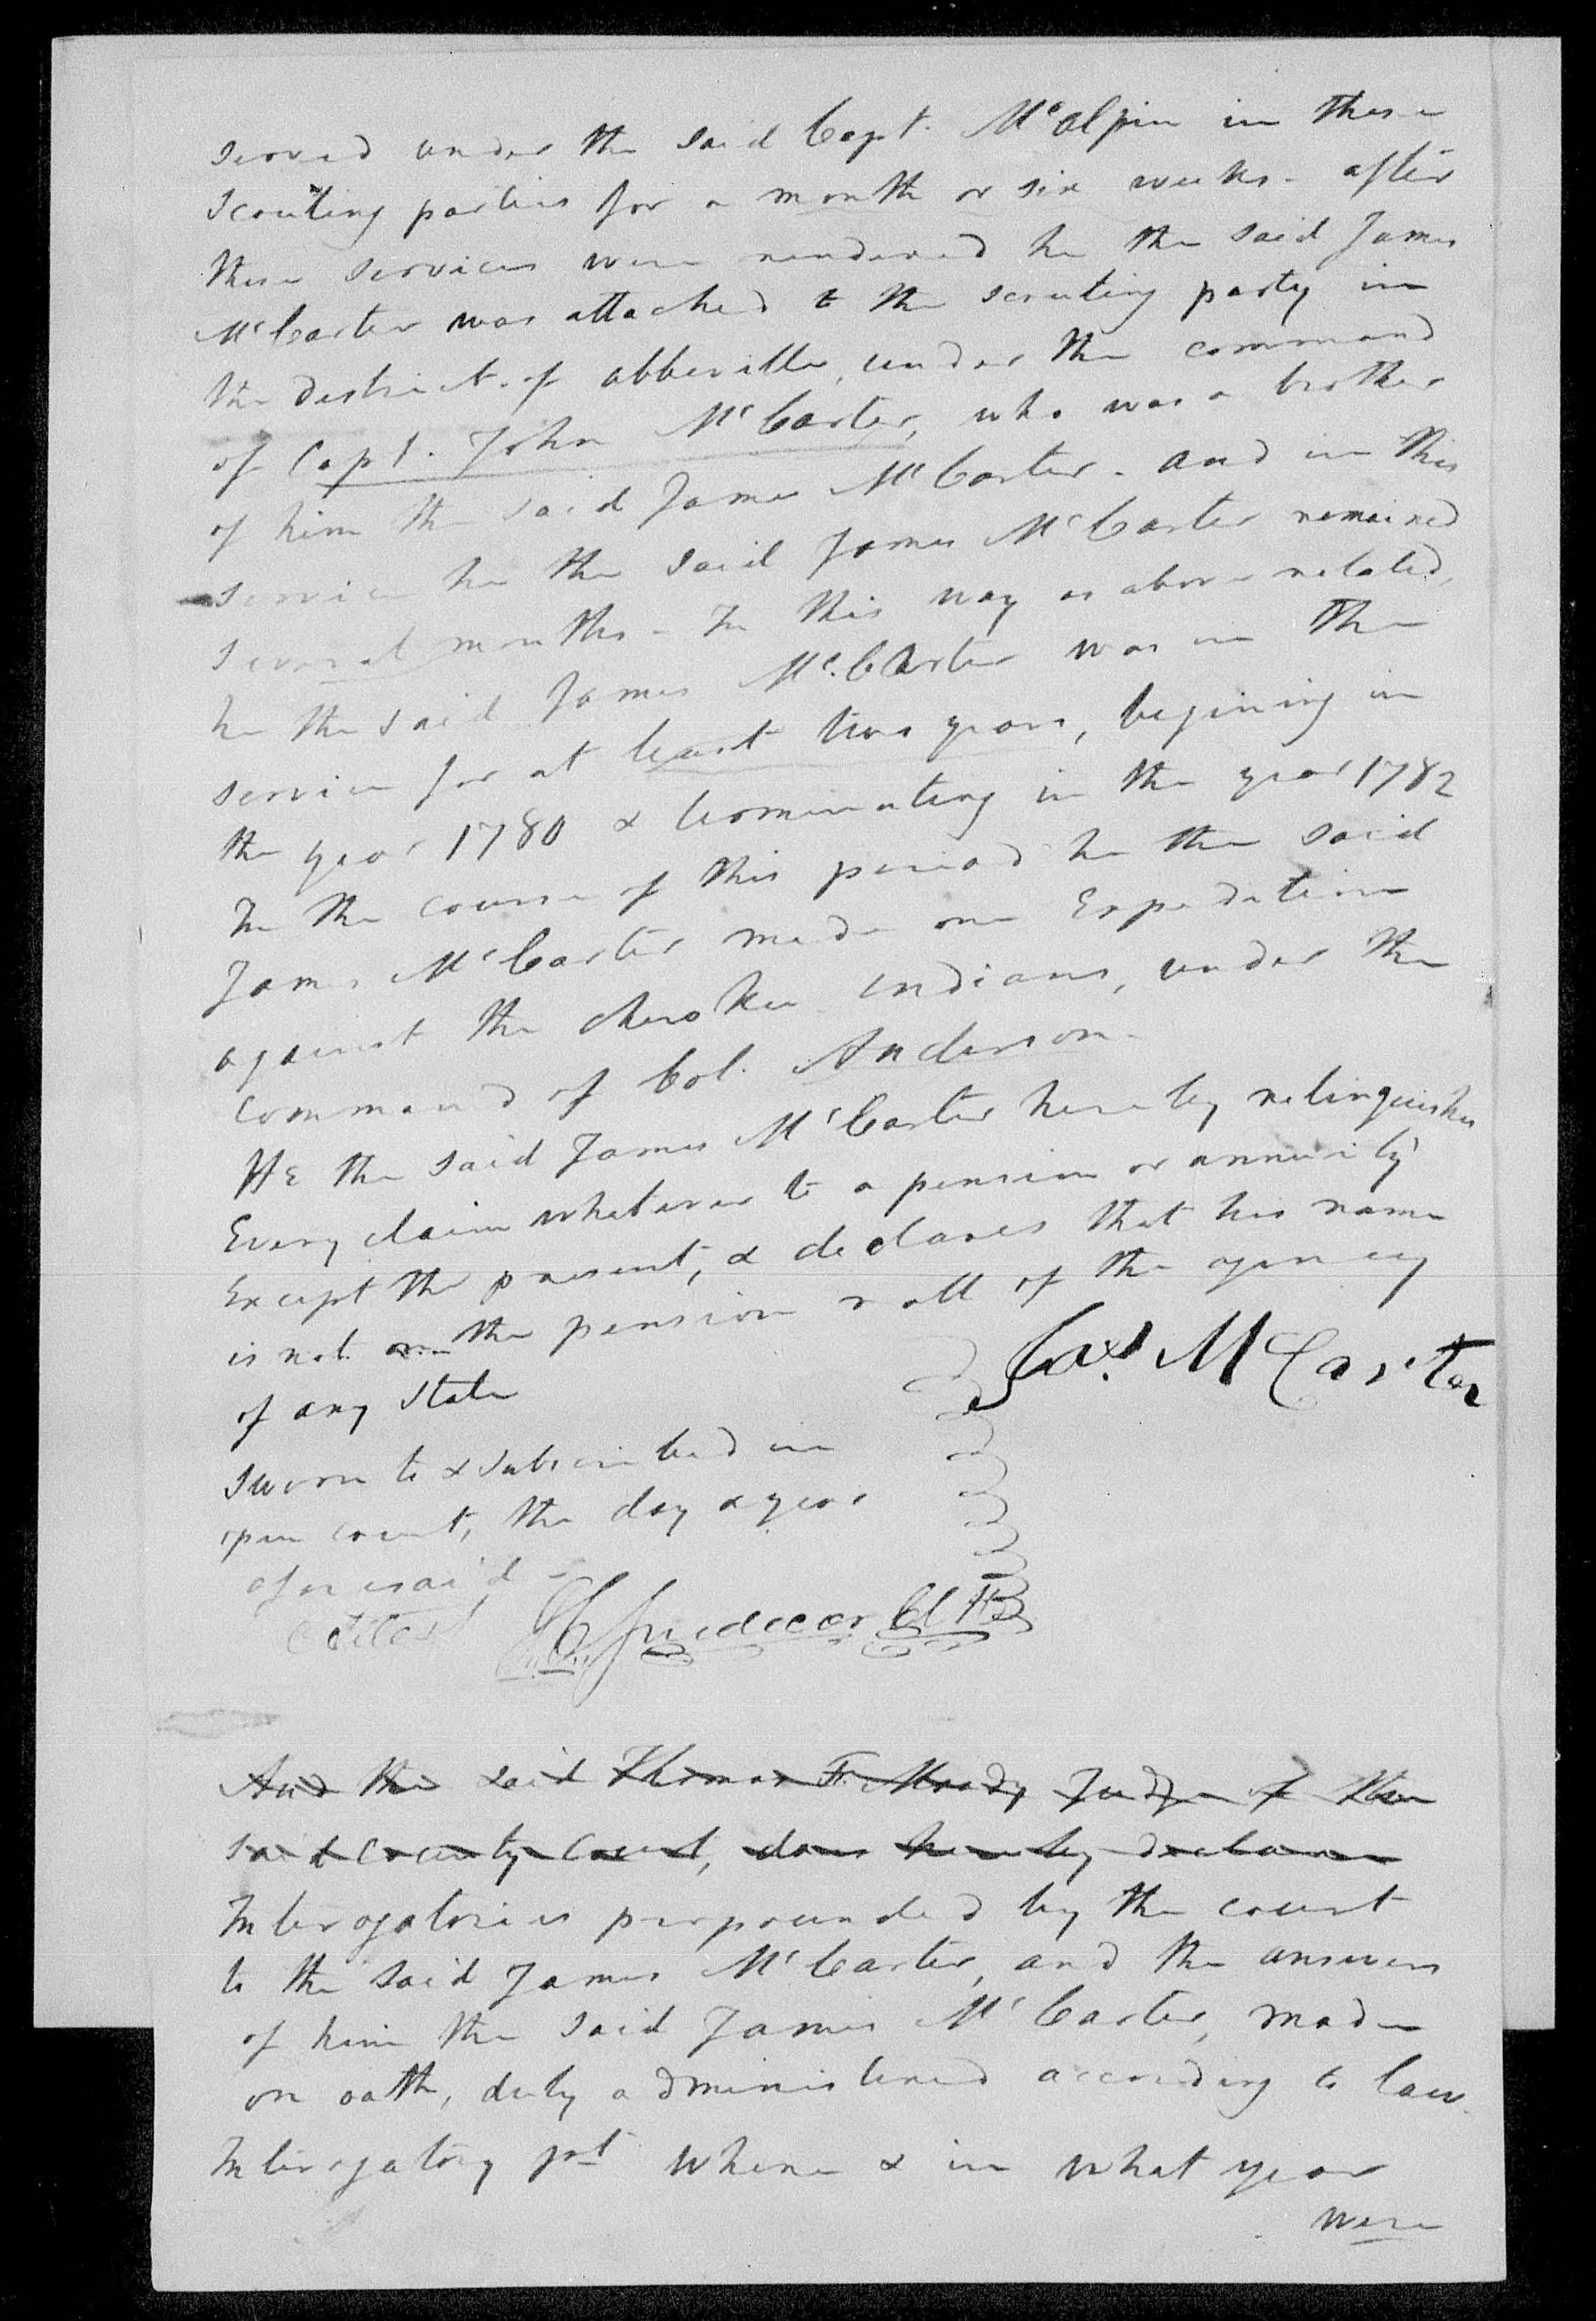served and the said Capt McAlpin in these
scouting parties for a month or six weeks after
these services were rendered he the said James McCarter was attached to the scouting party in the district of Abbeville under the command of Capt. John McCarter, who was a brother of him the said James McCarter and in this he the said James McCarter remained
several months. In this way or above related
the said James McCarter was service at least two years, beginning in the year 1780 & continuing in the year 1782 In the course of this period he the said McCarter made one expedition at the Cherokee Indians, under the
command of Col Anderson He the said James McCarter hereby relinquish every claim whatever to a pension or annuity except the present, & declares that his name is not on the pension roll of the agency of any State

Jas McCarter

Sworn to & subscribed in open court, the day & year aforesaid

J.C. [illegible] Clk

[crossed out: And the said Thomas F. Moody Justice of the said County Court, do hereby declare] In [illegible] is propounded by the court to the said James McCarter and the answers of him the said James McCarter made
on oath, duly administered according to law
Interrogatory where & in what year were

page: 7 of 45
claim: survivor's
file: S. 13,890, for James Mc Carter, South Carolina